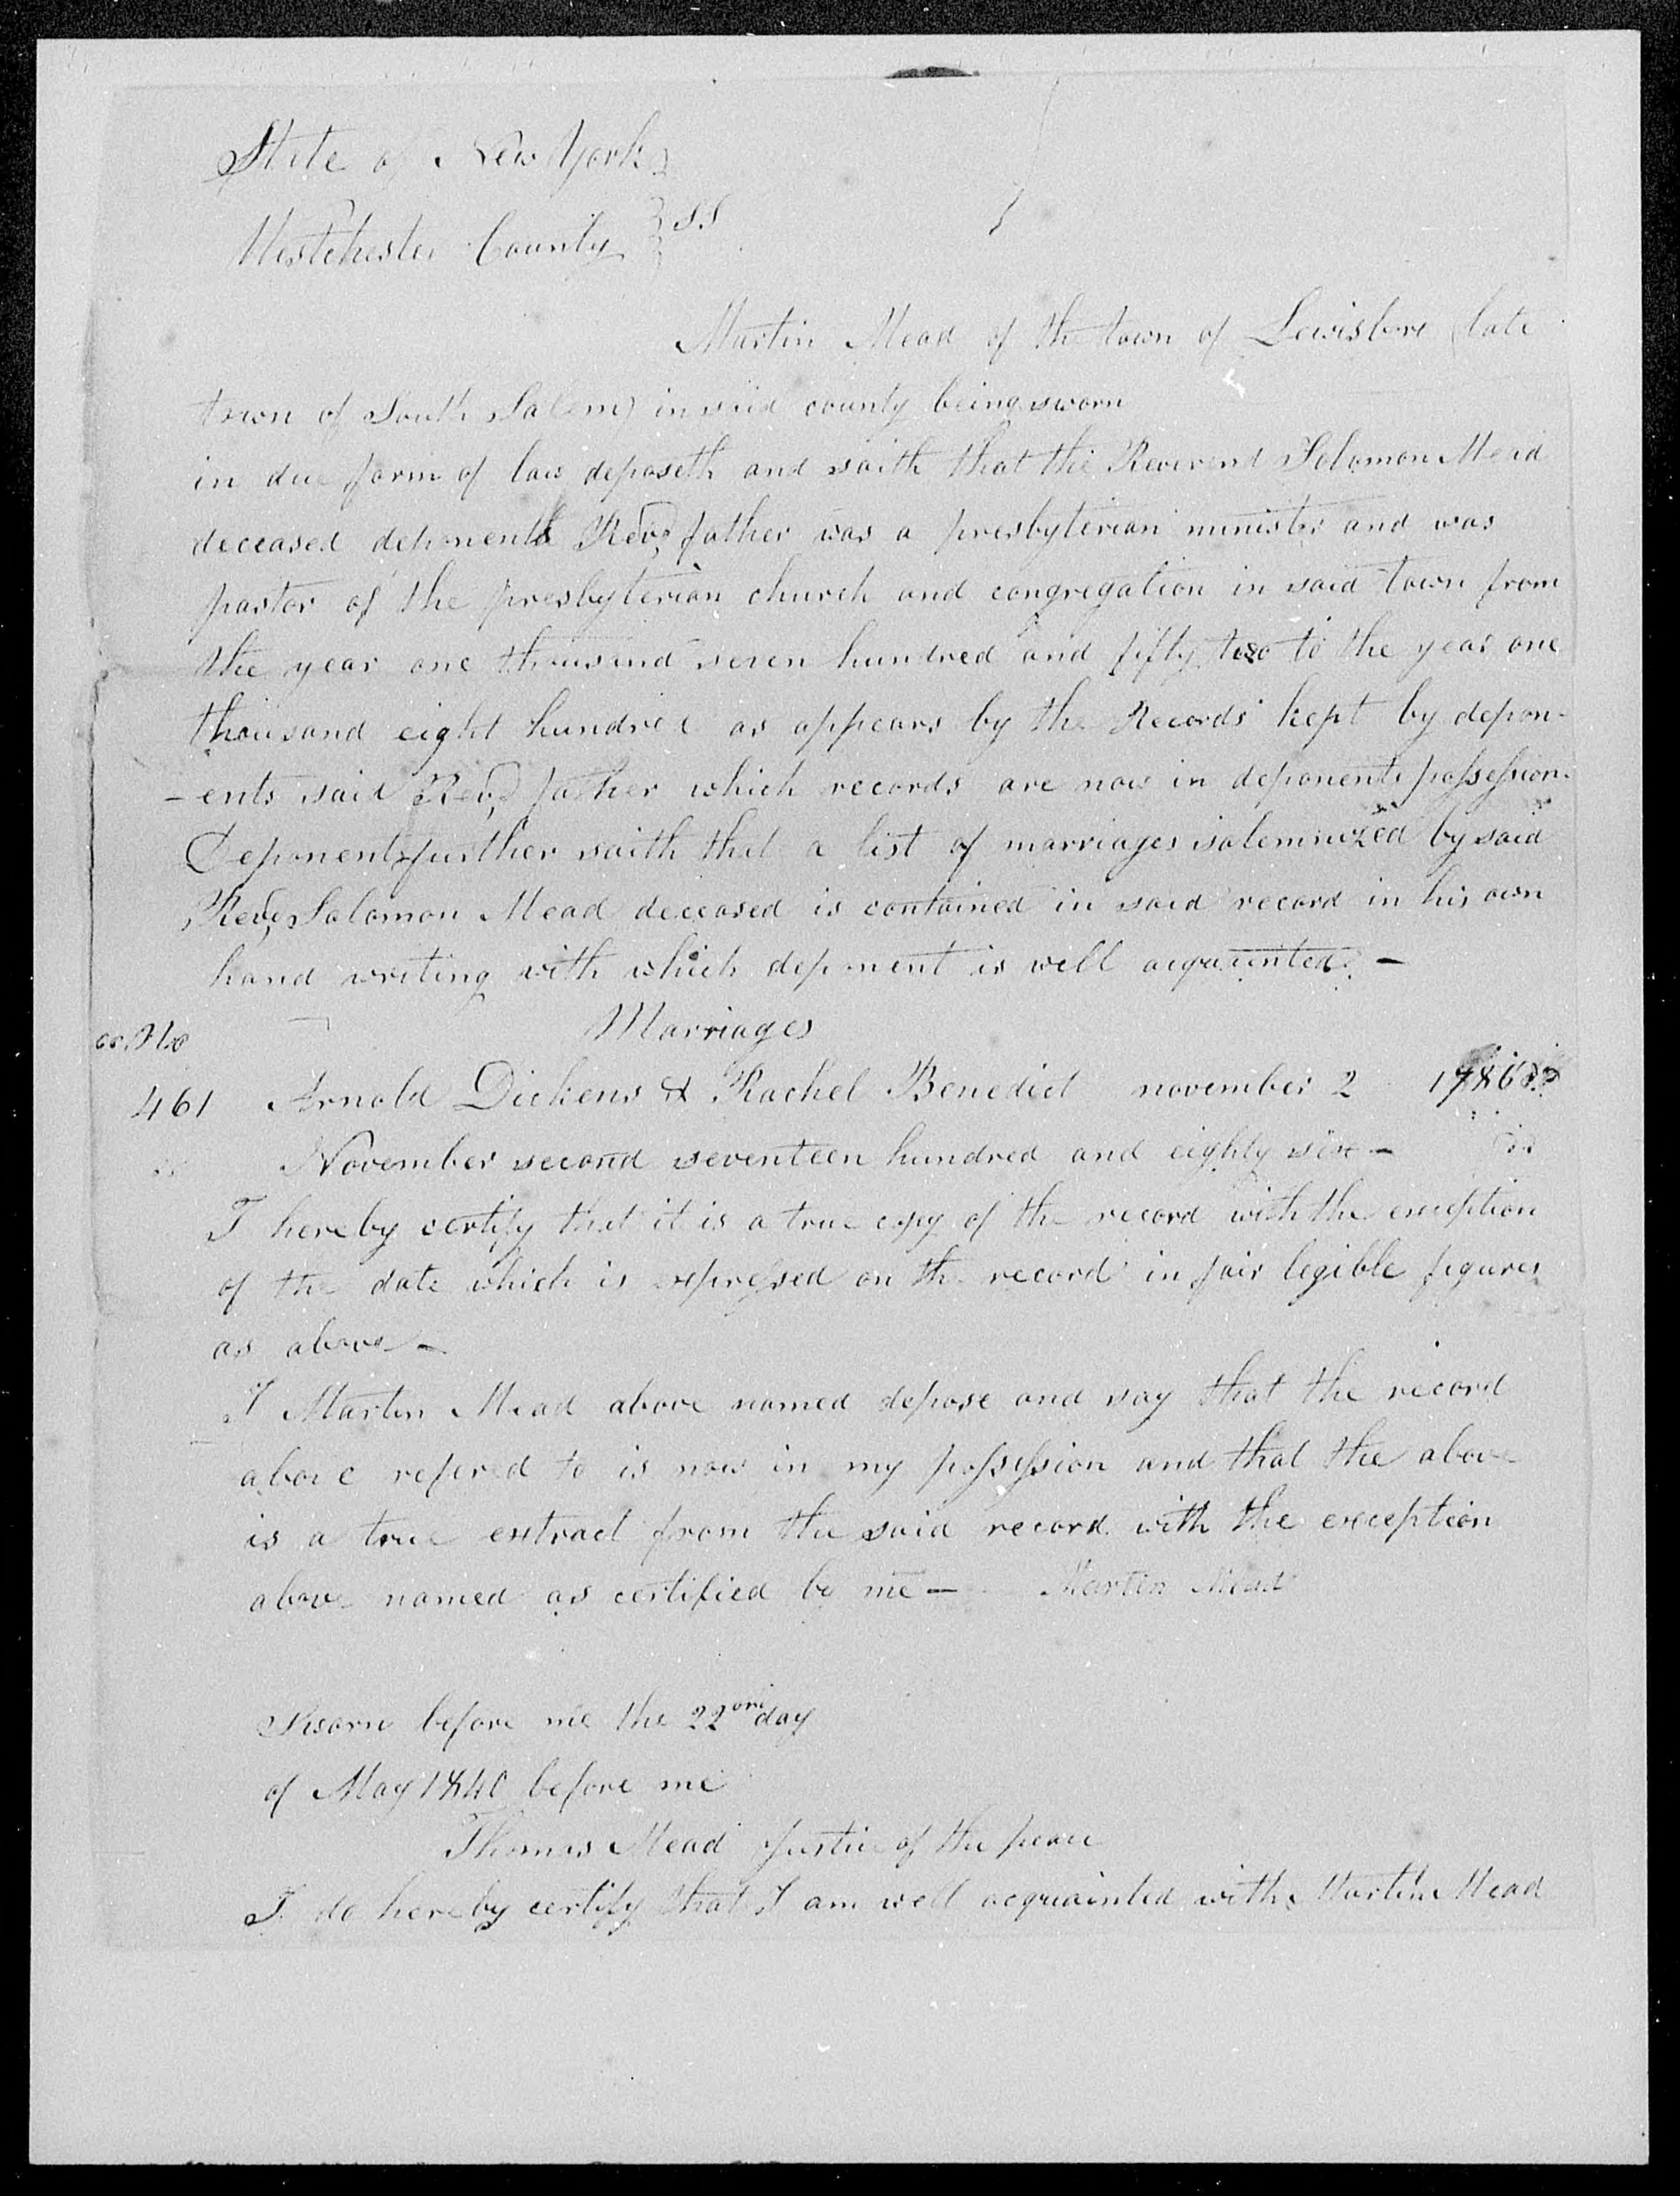State of New York}
Westchester County}  ss

Martin Mead of the town of Lewiston late town of South Salem in said county being sworn in due form of law deposeth and saith that the Reverend Solomon Mead deceased deponents Rev's father was a presbyterian minister and was pastor of the presbyterian church and congregation in said town from the year one thousand seven hundred and fifty two to the year one thousand eight hundred as appears by the Records kept by deponents said Rev'd father which records are now in deponents posession.  Deponent further saith that a list of marriages solemnized by said Rev'd Solomon Mead deceased is contained in said record in his own hand writing with which deponent is well acquainted—
Marriages
No 461  Arnold Dickens & Rachel Benedict november 2  1786?  
November second seventeen hundred and eighty six—  I hereby certify that it is a true copy of the record with the exception of the date which is [illegible] on the record in fair legible figures as above—
I Martin Mead above named depose and say that the record above refered to is now in my possession and that the above is a true extract from the said record with the exception above named as certified by me—
Martin Mead

Sworn before me the 22nd day of May 1840 before me
Thomas Mead Justice of the peace
I do hereby certify that I am well acquainted with Martin Mead

Copyists note:  Copied as per original document including errors.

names: Solomon Mead, Arnold Dickens, Martin Mead, Martin Mead, Rachel Benedict, Solomon Mead, Thomas Mead, Martin Mead, Martin Mead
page: 5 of 29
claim: widow's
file: W. 17720, Arnold Dickens, New York